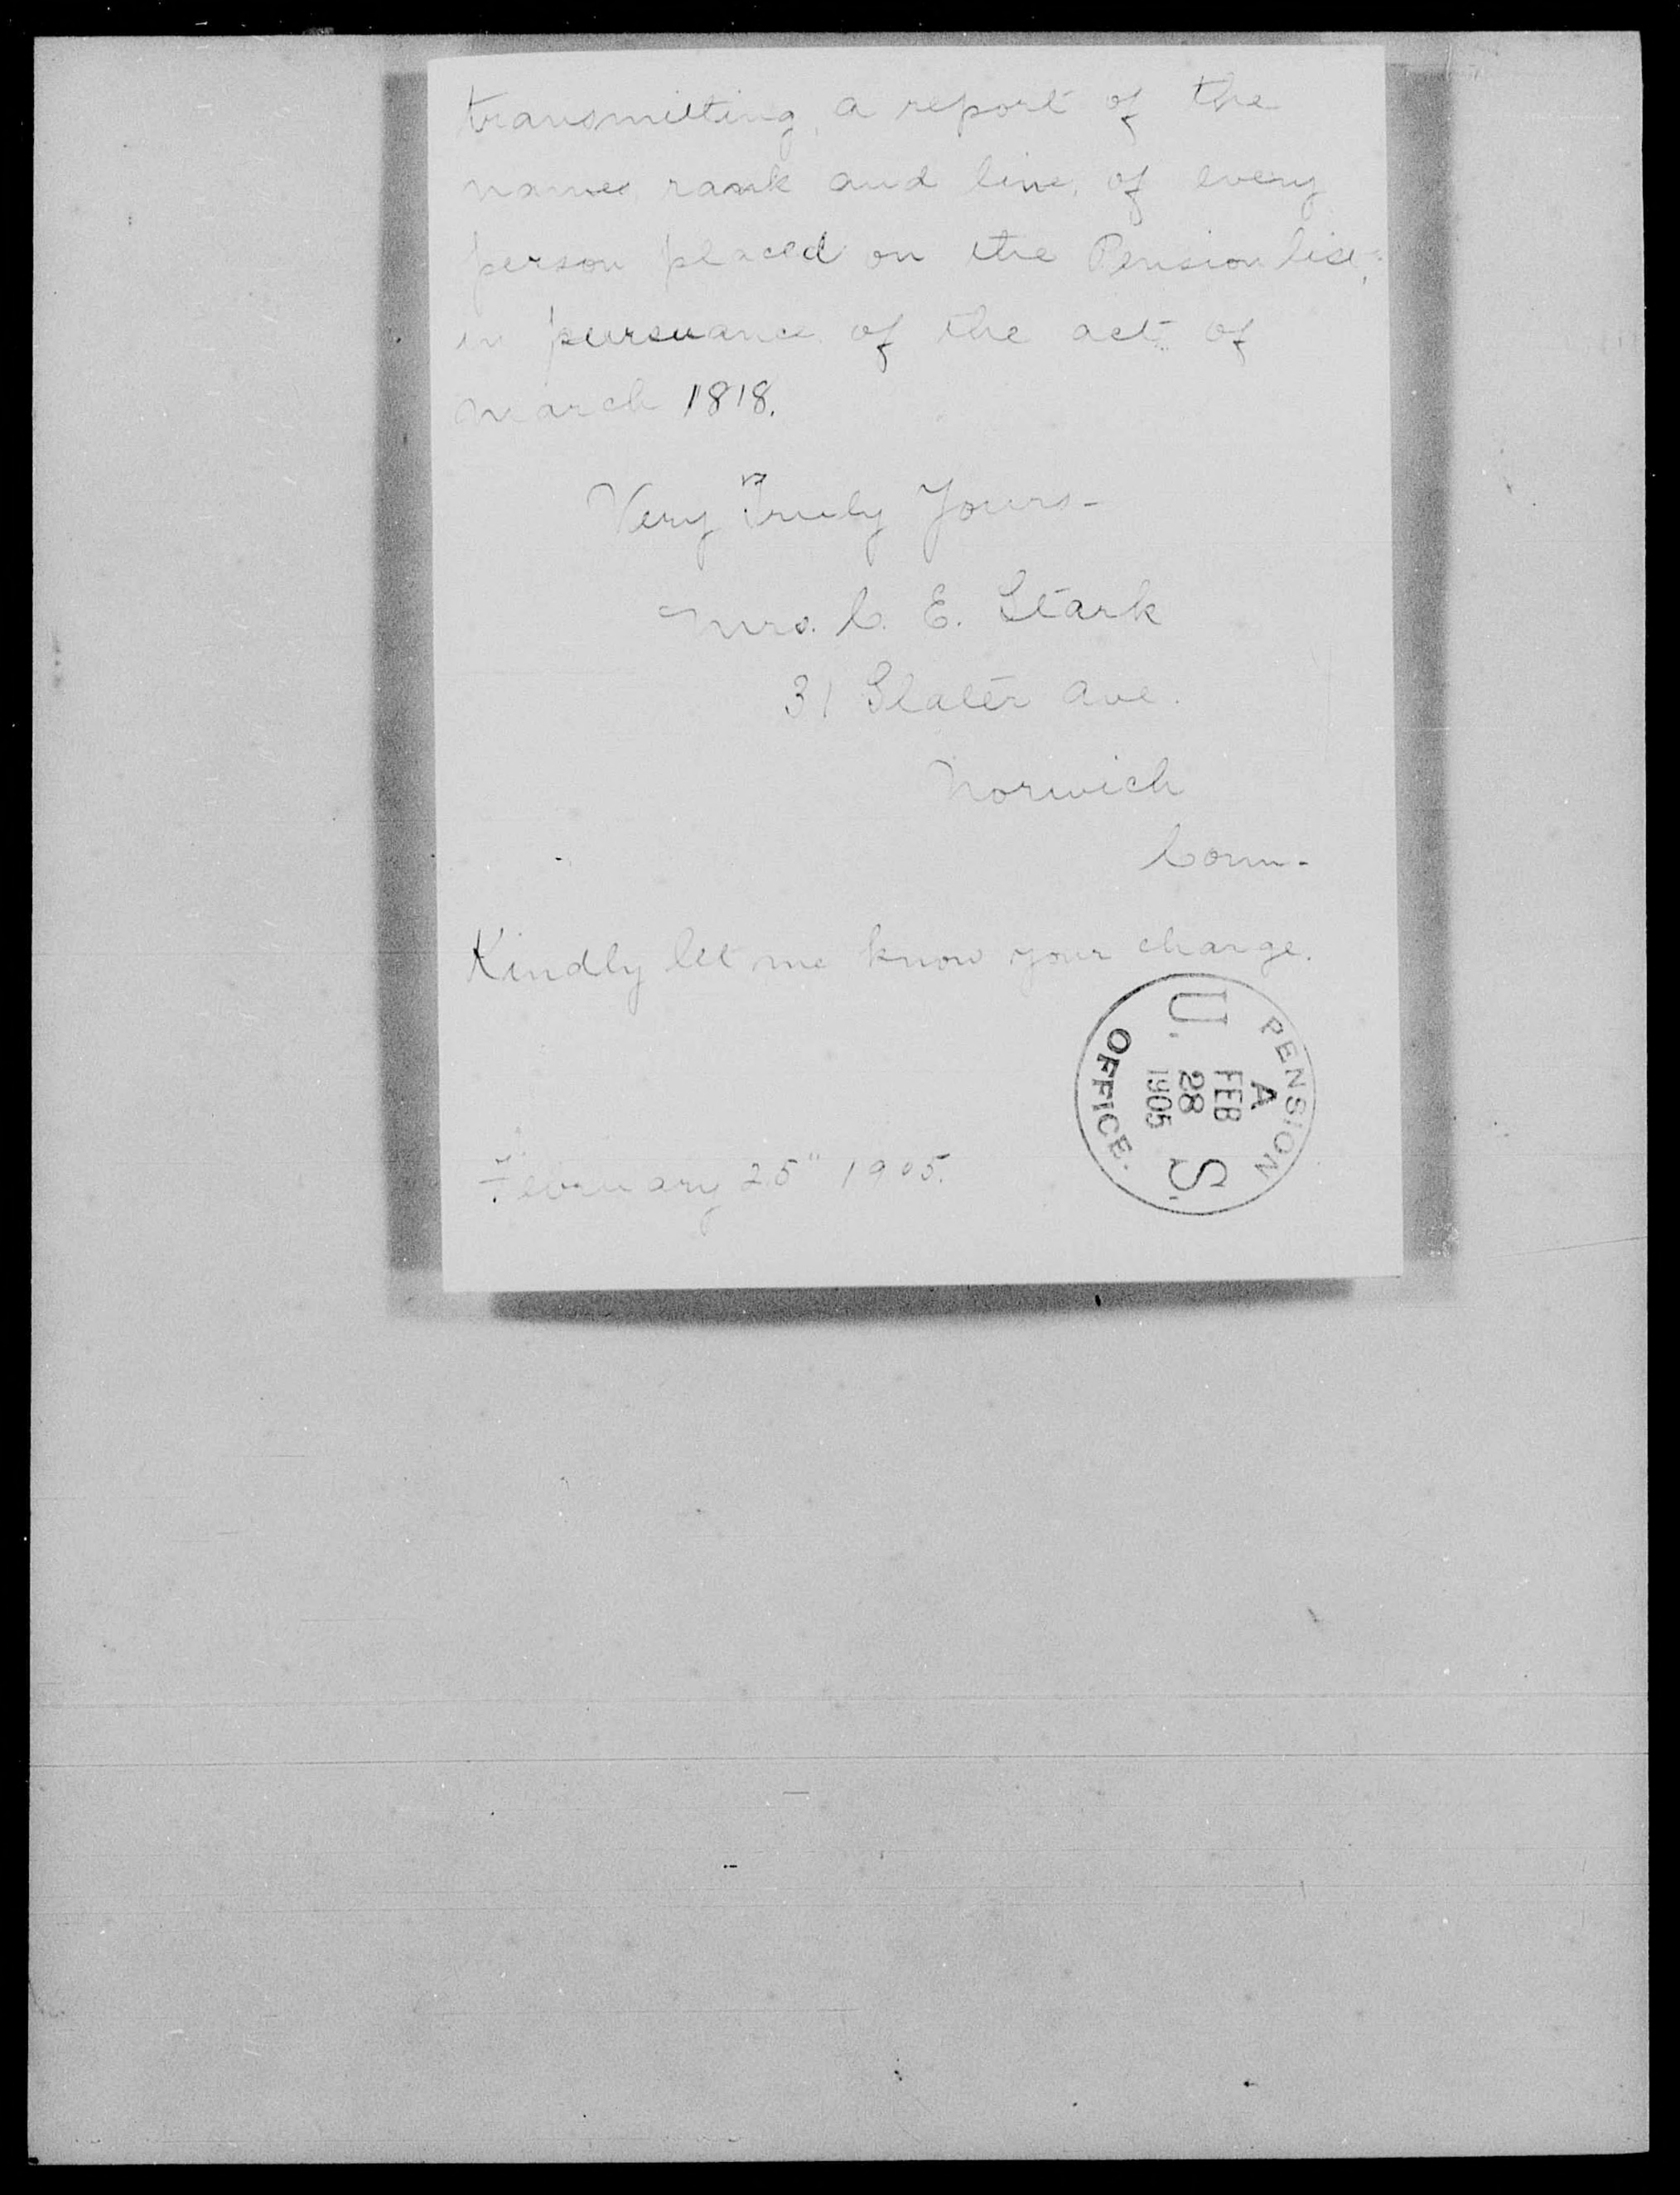transmitting a report of the
names, rank and line, of every
person placed on the Pension list
in pursuance of the act of
March 1818.
by
Kindly let me know your
Very Truly Yours-
Mrs. C. E. Clark
31 Blater Ave.
Norwich
Conn.
Kindly let meknow your charge. 
February 25th 1905
[receipt date stamp] 
U.S.A. Pension Office 
FEB
28
1905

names: C E Stark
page: 38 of 54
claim: widow's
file: W. 26,897, for George Pitts, Massachusetts